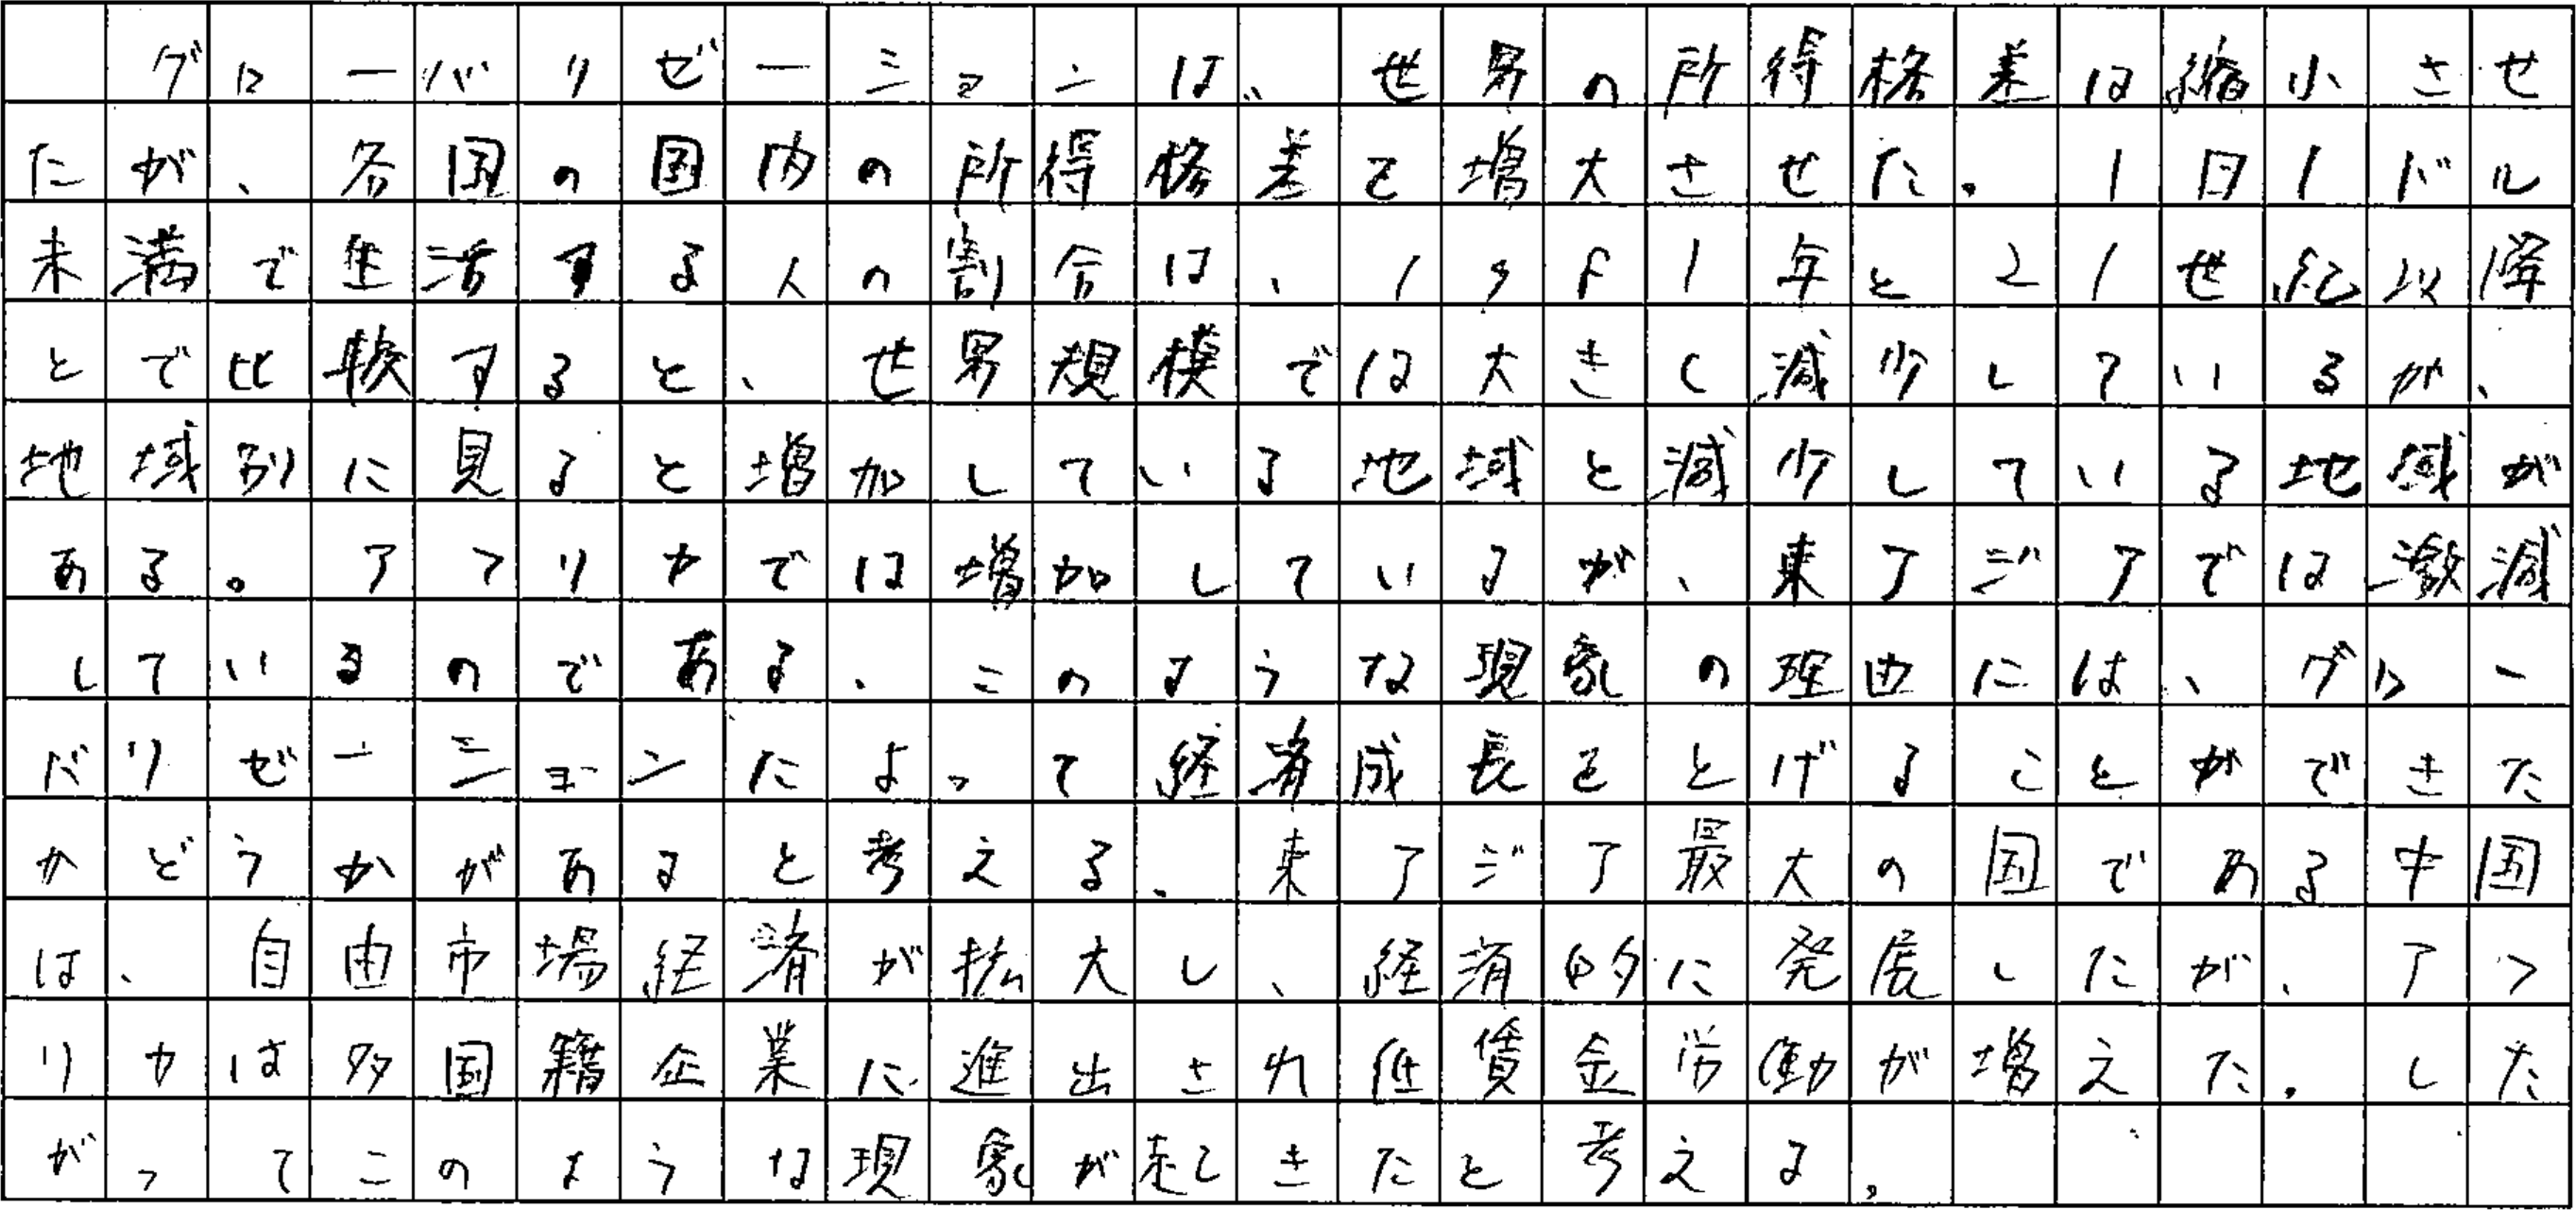　グローバリゼーションは、世界の所得格差は縮小させたが、各国の国内の所得格差を増大させた。１日１ドル未満で生活する人の割合は、１９８１年と２１世紀以降とで比較すると、世界規模では大きく減少しているが、地域別に見ると増加している地域と減少している地域がある。アフリカでは増加しているが、東アジアでは激減しているのである。このような現象の理由には、グローバリゼーションによって経済成長をとげることができたかどうかがあると考える。東アジア最大の国である中国は、自由主義経済が拡大し、経済的に発展したが、アフリカは多国籍企業に進出され低賃金労働が増えた。したがってこのような現象が起きたと考える。
